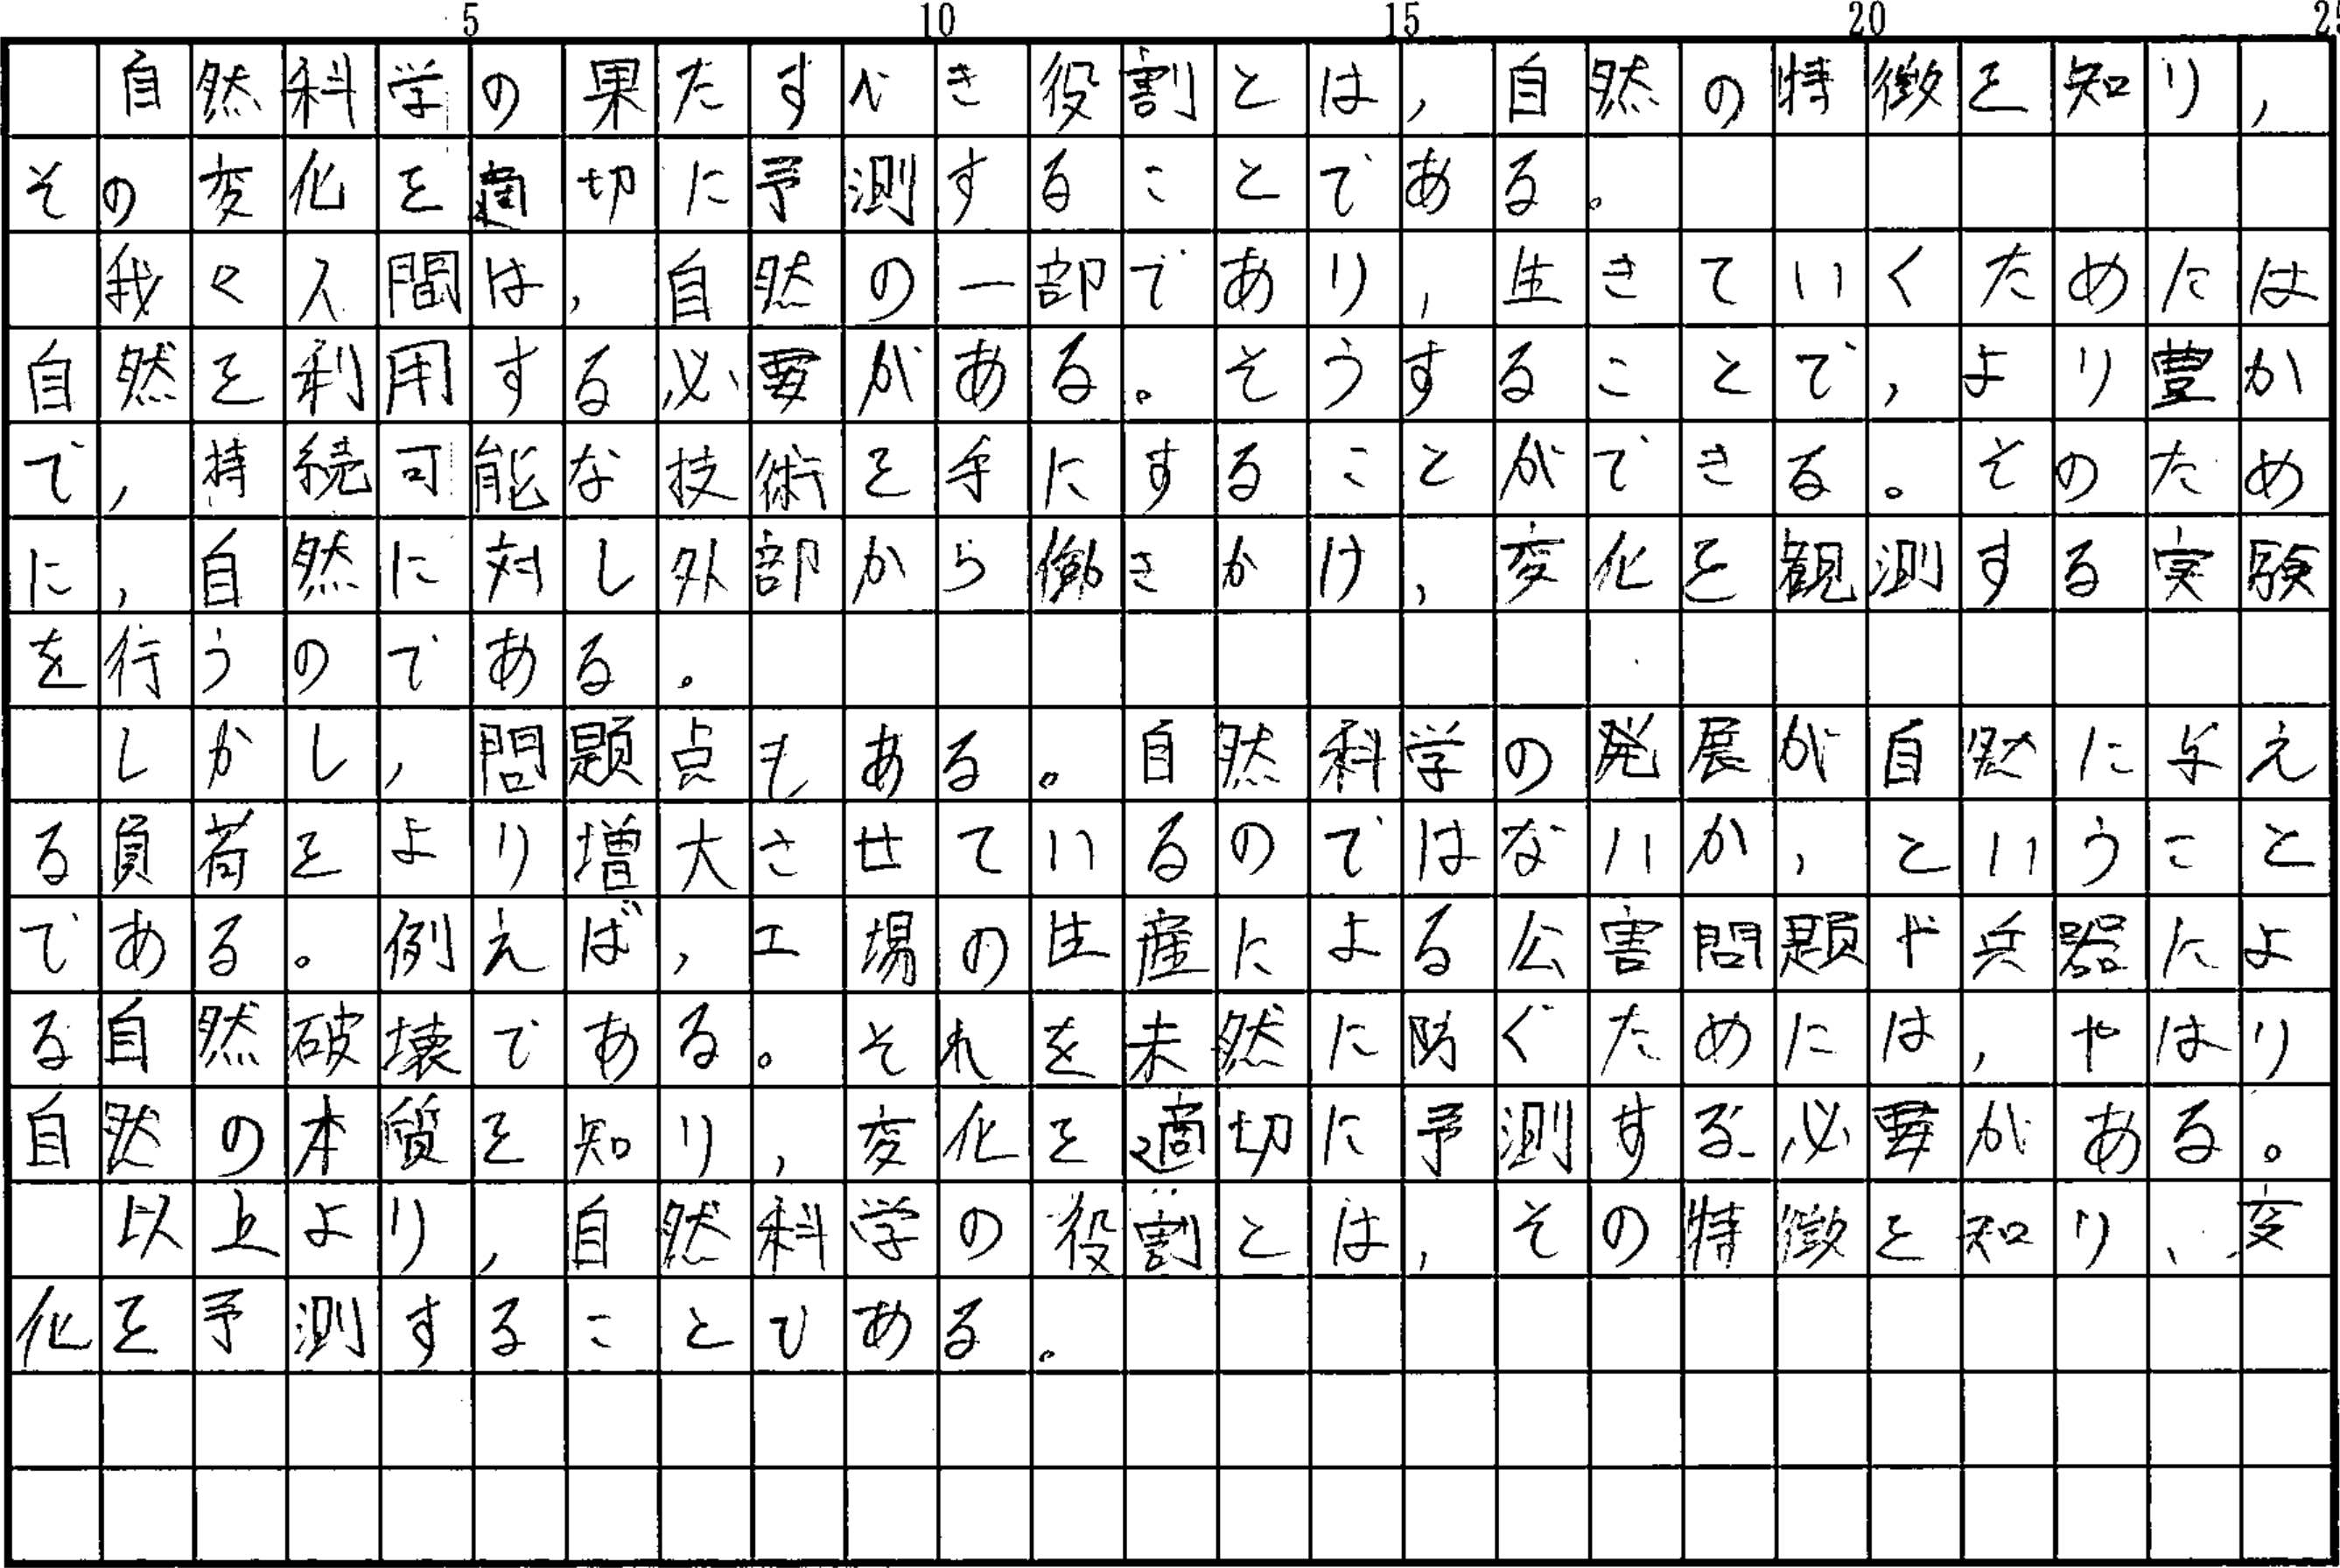　自然科学の果たすべき役割とは、自然の特徴を知り、その変化を適切に予測することである。
　我々人間は、自然の一部であり、生きていくためには自然を利用する必要がある。そうすることで、より豊かで、持続可能な技術を手にすることができる。そのために、自然に対し外部から働きかけ、変化を観測する実験を行うのである。
　しかし、問題点もある。自然科学の発展が自然に与える負荷をより増大させているのではないか、ということである。例えば、工場の生産による公害問題や兵器による自然破壊である。それを未然に防ぐためには、やはり自然の本質を知り、変化を適切に予測する必要がある。
　以上より、自然科学の役割とは、その特徴を知り、変化を予測することである。
